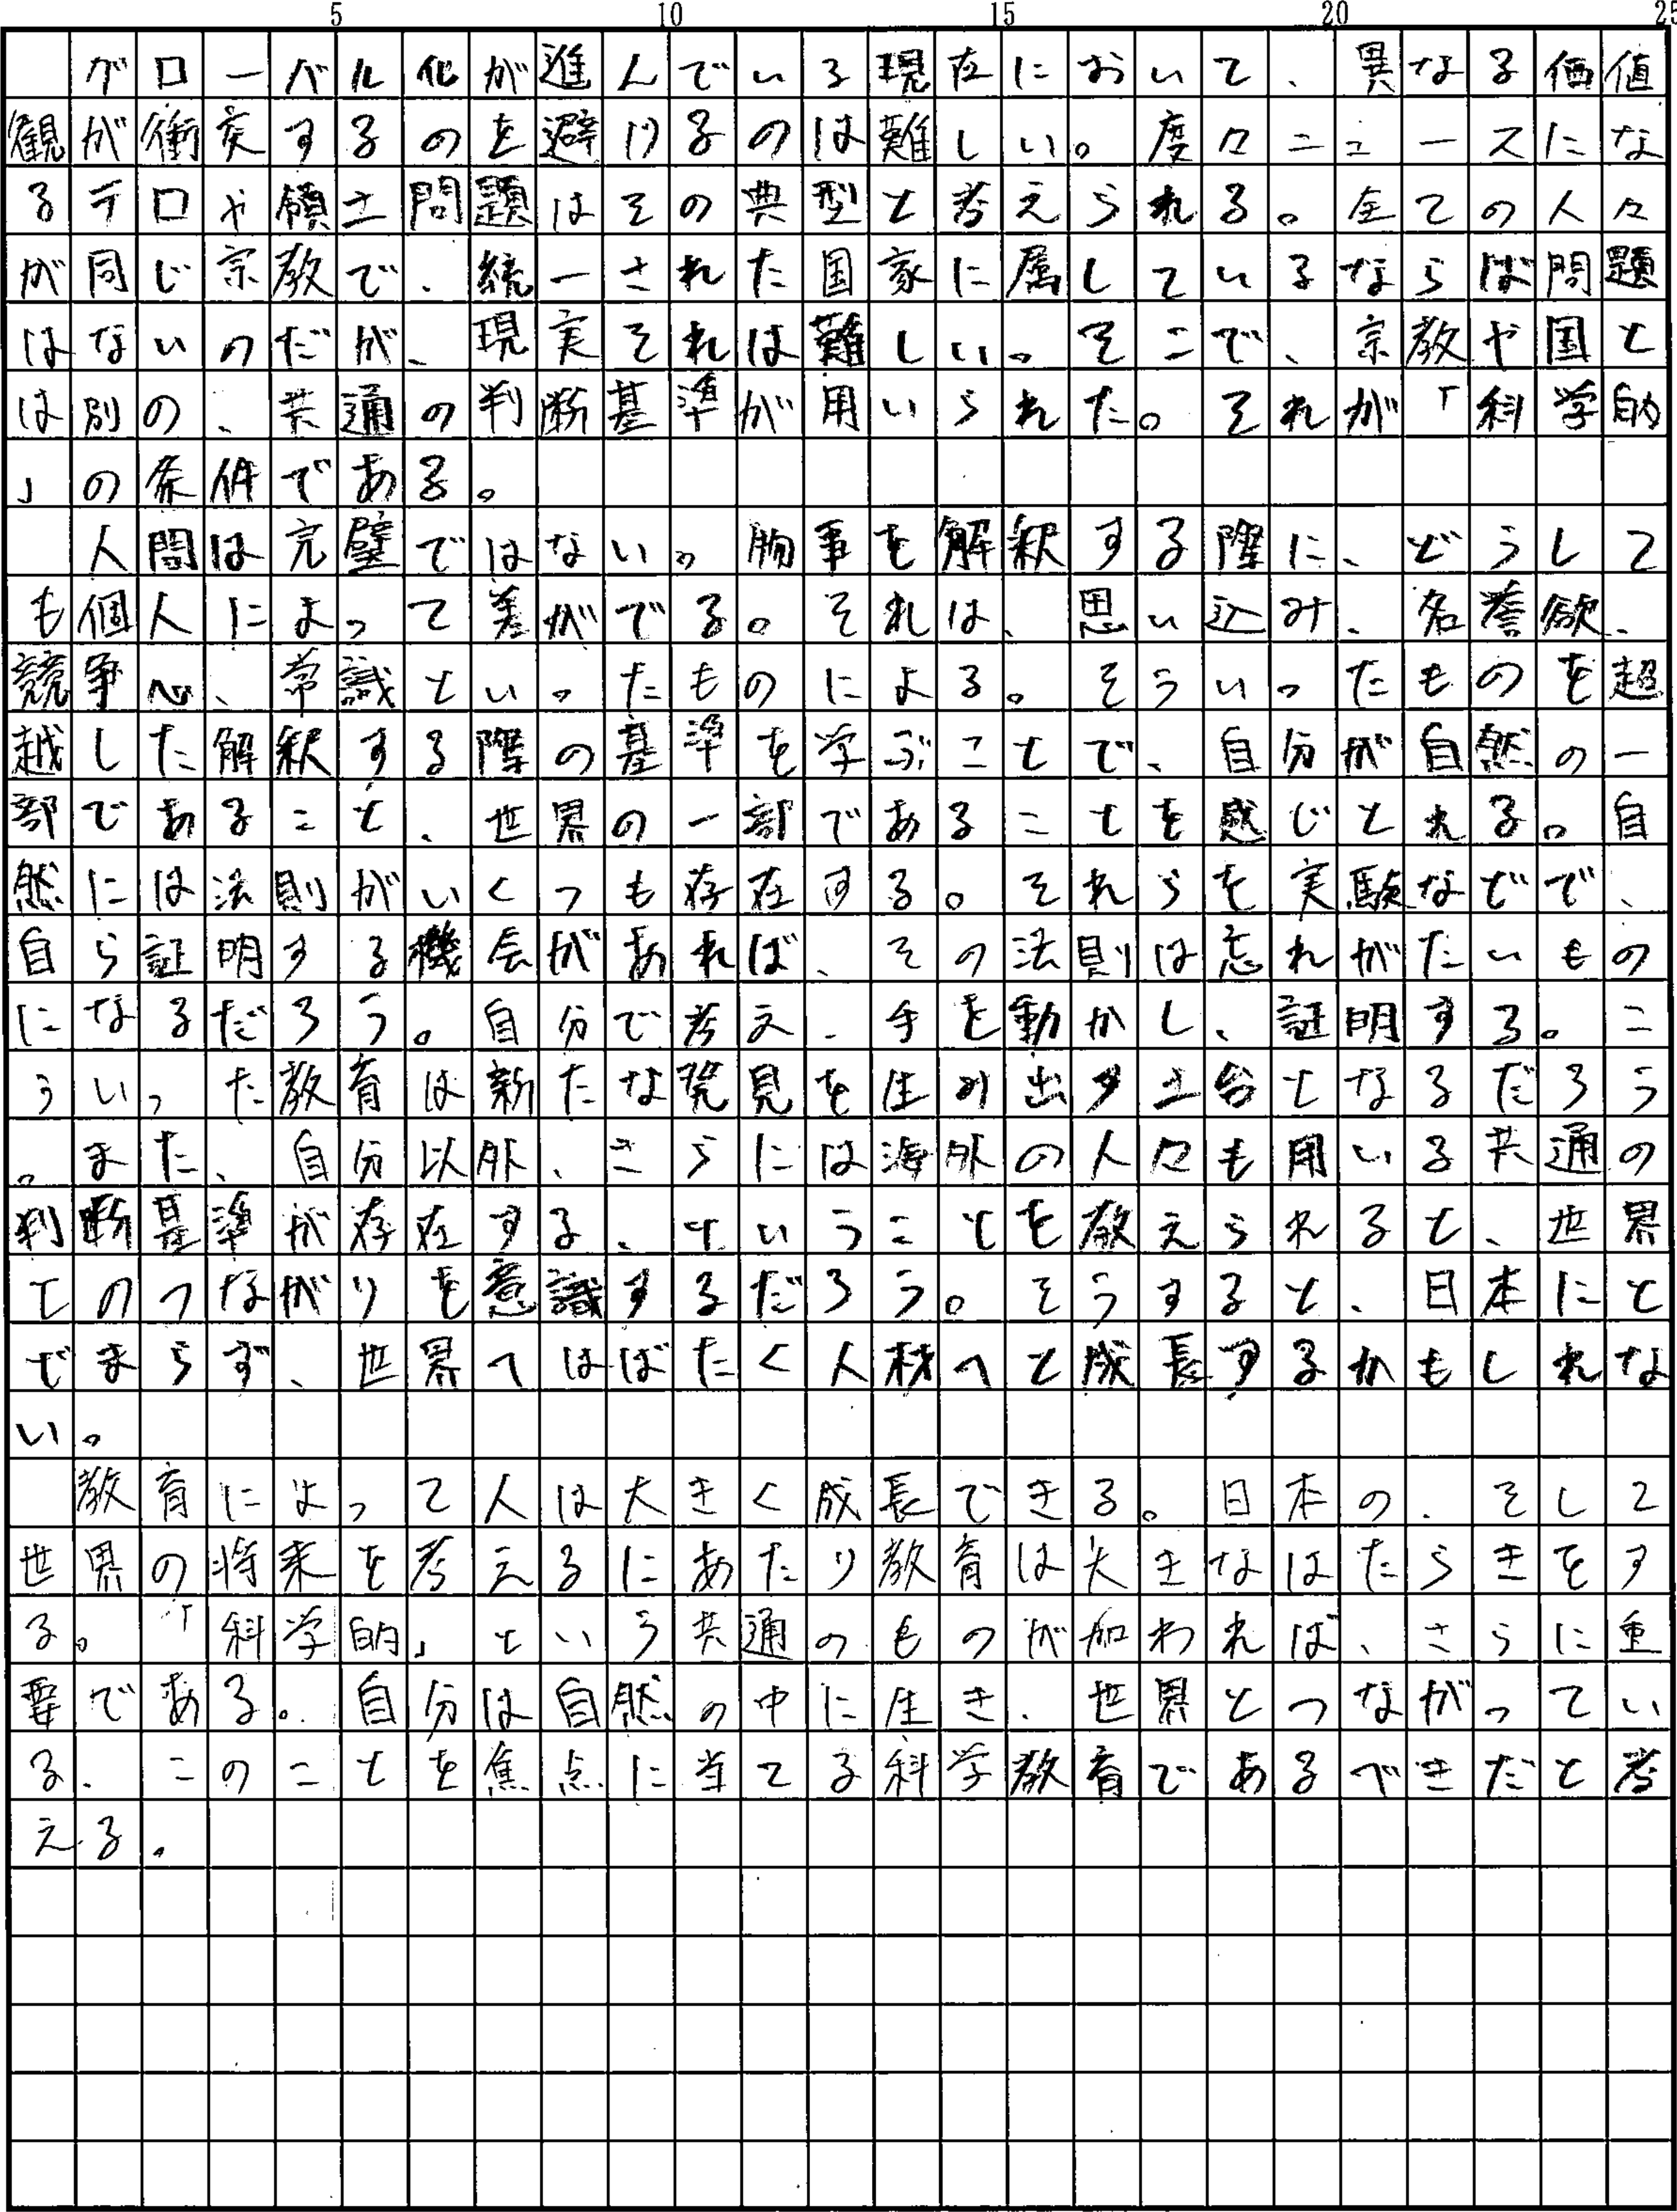　グローバル化が進んでいる現在において、異なる価値観が衝突するのを避けるのは難しい。度々ニュースになるテロや領土問題はその典型と考えられる。全ての人々が同じ宗教で、統一された国家に属しているならば問題はないのだが、現実それは難しい。そこで、宗教や国とは別の、共通の判断基準が用いられた。それが「科学的」の条件である。
　人間は完璧ではない。物事を解釈する際に、どうしても個人によって差がでる。それは、思い込み、名誉欲、競争心、常識といったものによる。そういったものを超越した解釈する際の基準を学ぶことで、自分が自然の一部であること、世界の一部であることを感じとれる。自然には法則がいくつも存在する。それらを実験などで、自ら証明する機会があれば、その法則は忘れがたいものになるだろう。自分で考え、手を動かし、証明する。こういった教育は新たな発見を生み出す土台となるだろう。また、自分以外、さらには海外の人々も用いる共通の判断基準が存在する、ということを教えられると、世界とのつながりを意識するだろう。そうすると、日本にとどまらず、世界へはばたく人材へと成長するかもしれない。
　教育によって人は大きく成長できる。日本の、そして世界の将来を考えるにあたり教育は大きなはたらきをする。「科学的」という共通のものが加われば、さらに重要である。自分は自然の中に生き、世界とつながっている、このことを焦点に当てる科学教育であるべきだと考える。
